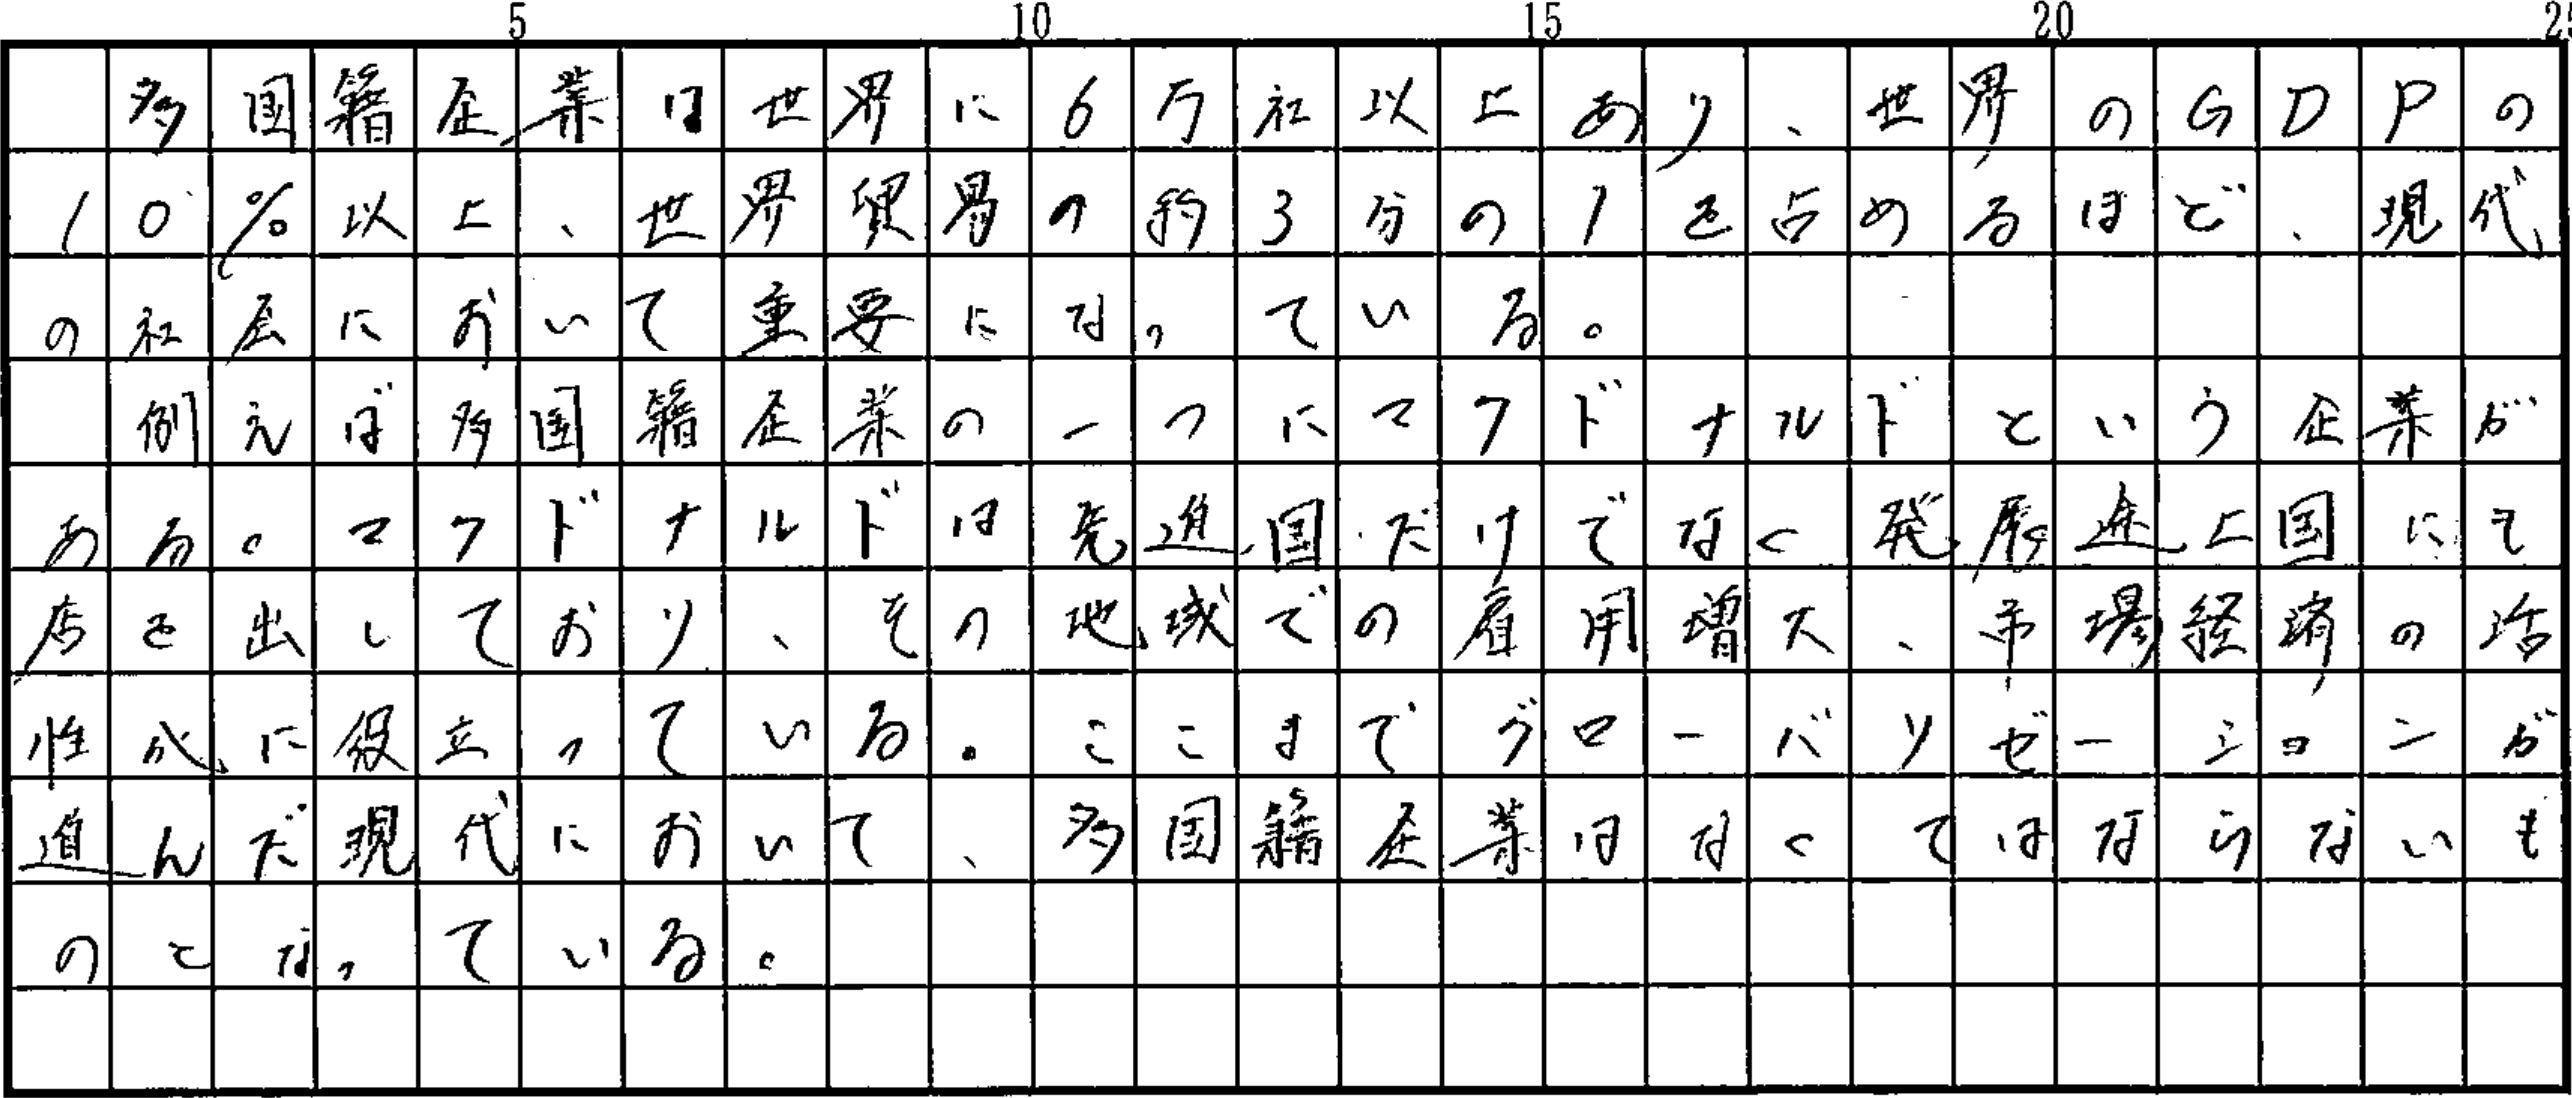　多国籍企業は世界に６万社以上あり、世界のＧＤＰの１０％以上、世界貿易の約３分の１を占めるほど、現代の社会において重要になっている。
　例えば多国籍企業の一つにマクドナルドという企業がある。マクドナルドは先進国だけでなく発展途上国にも店を出しており、その地域での雇用増大、市場経済の活性化に役立っている。ここまでグローバリゼーションが進んだ現代において、多国籍企業はなくてはならないものとなっている。
